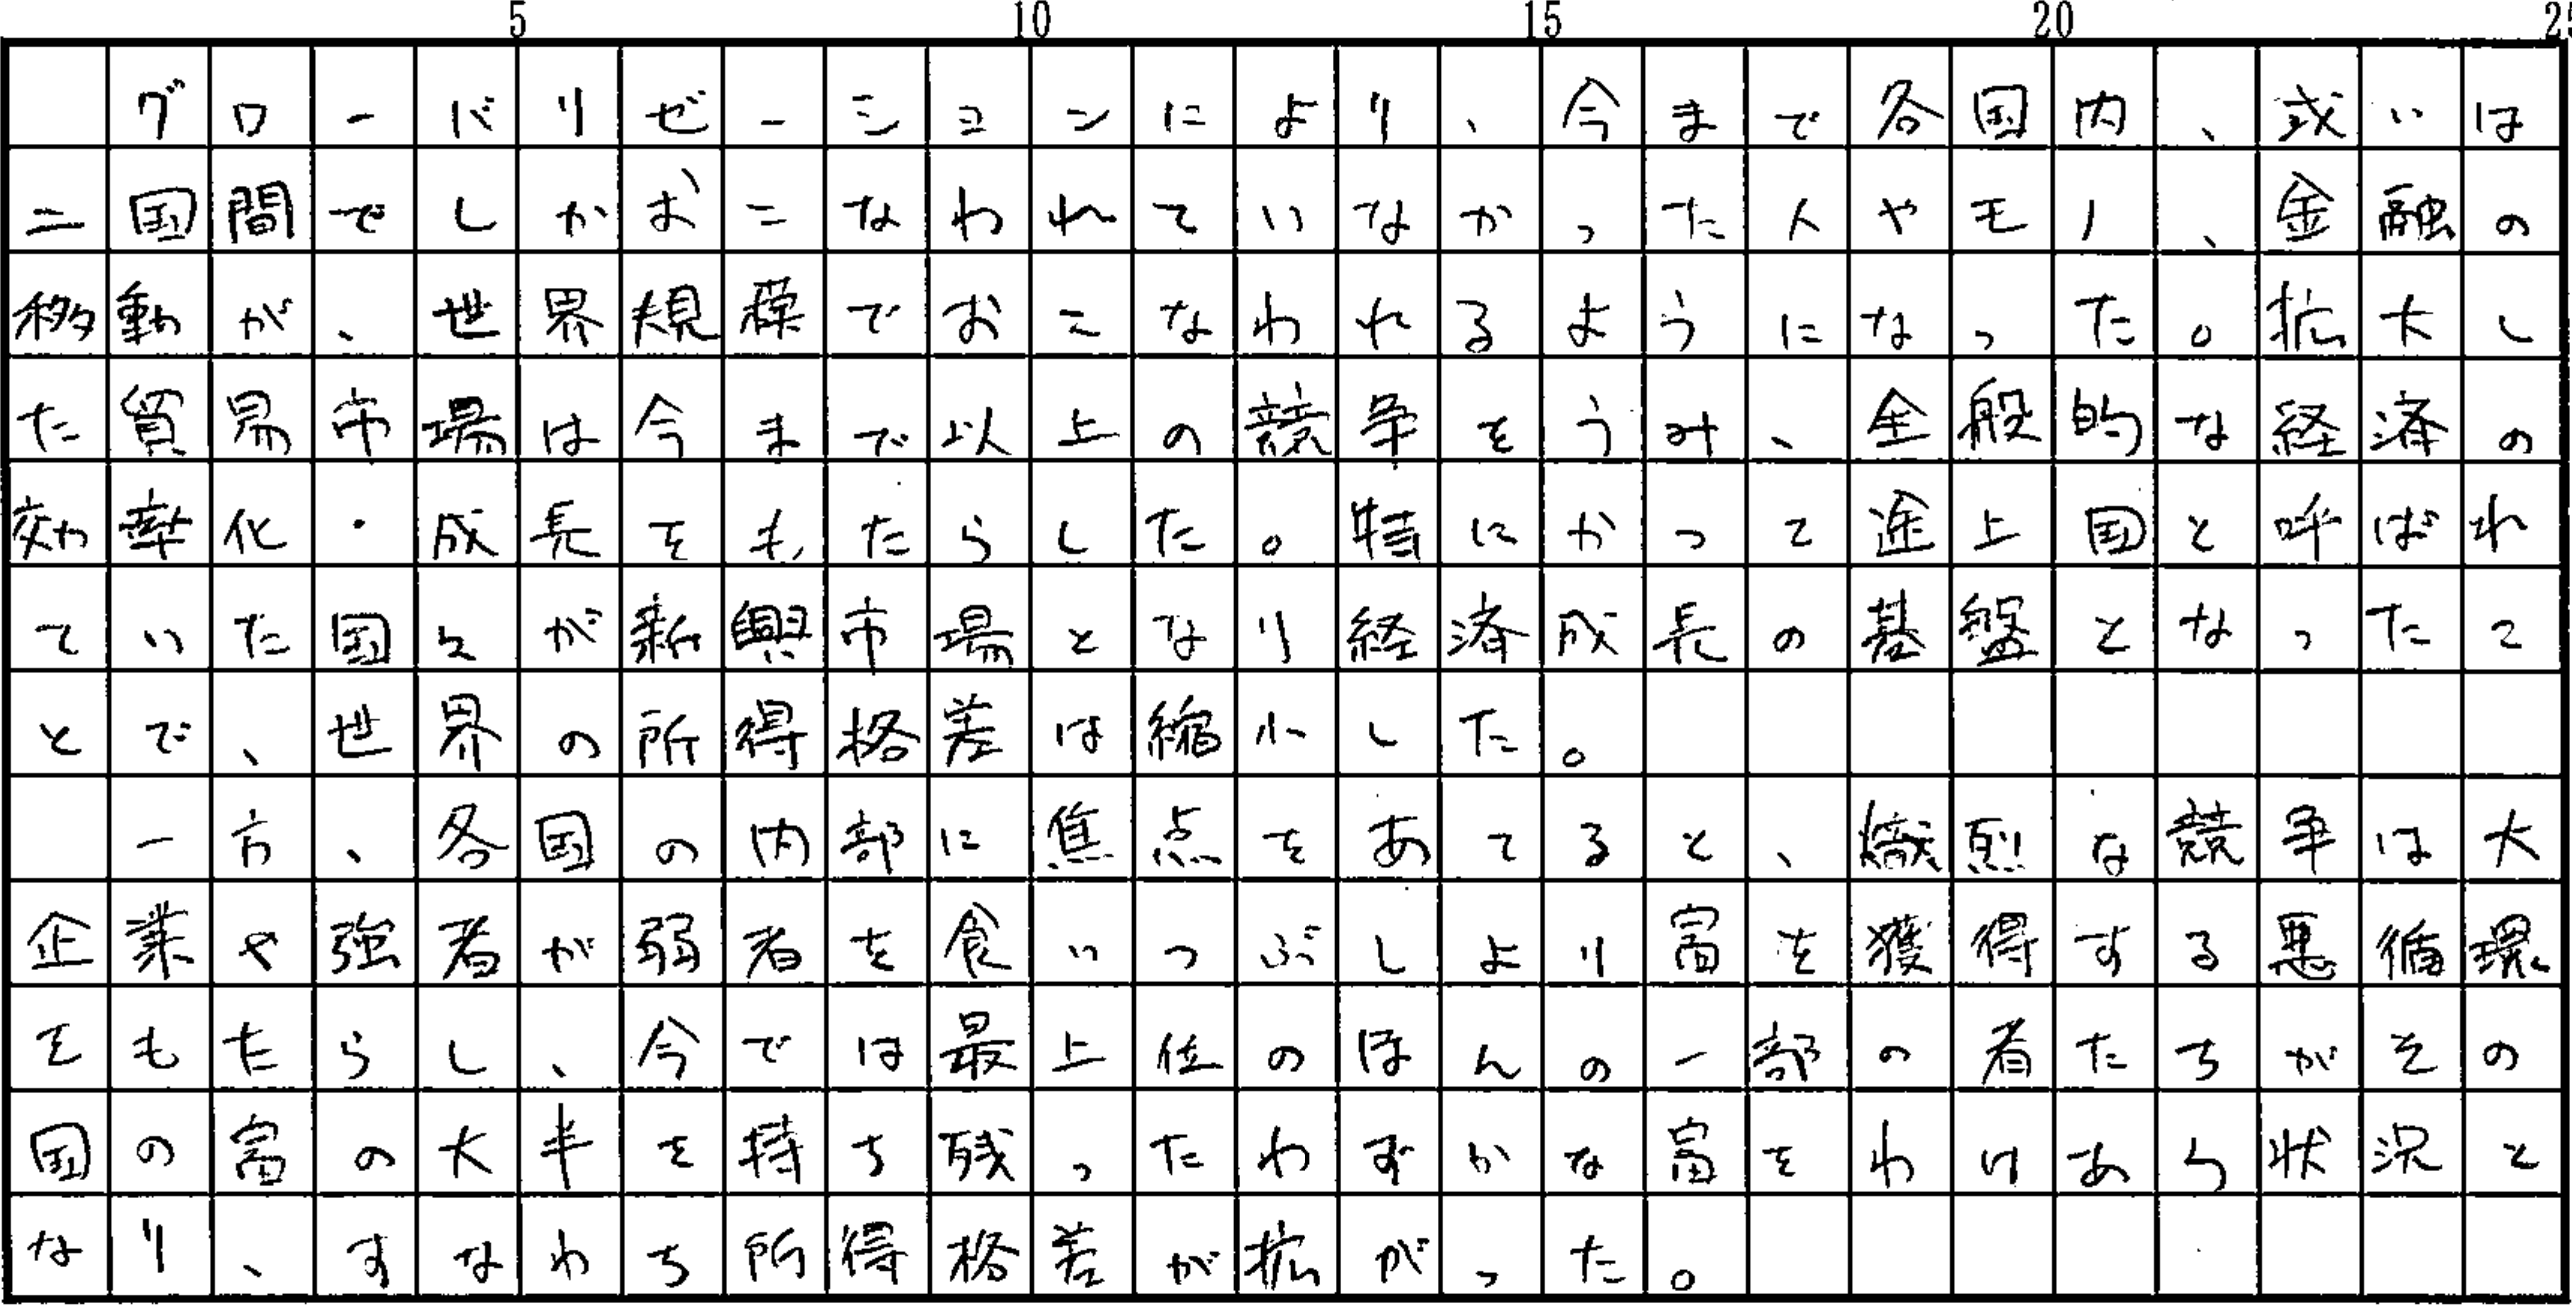　グローバリゼーションにより、今まで各国内、或いは二国間でしかおこなわれていなかった人やモノ、金融の移動が、世界規模でおこなわれるようになった。拡大した貿易市場は今まで以上の競争をうみ、全般的な経済の効率化・成長をもたらした。特にかつて途上国と呼ばれていた国々が新興市場となり経済成長の基盤となったことで、世界の所得格差は縮小した。
　一方、各国の内部に焦点をあてると、熾烈な競争は大企業や強者が弱者を食いつぶしより富を獲得する悪循環をもたらし、今では最上位のほんの一部の者たちがその国の富の大半を持ち残ったわずかな富をわけあう状況となり、すなわち所得格差が拡がった。
